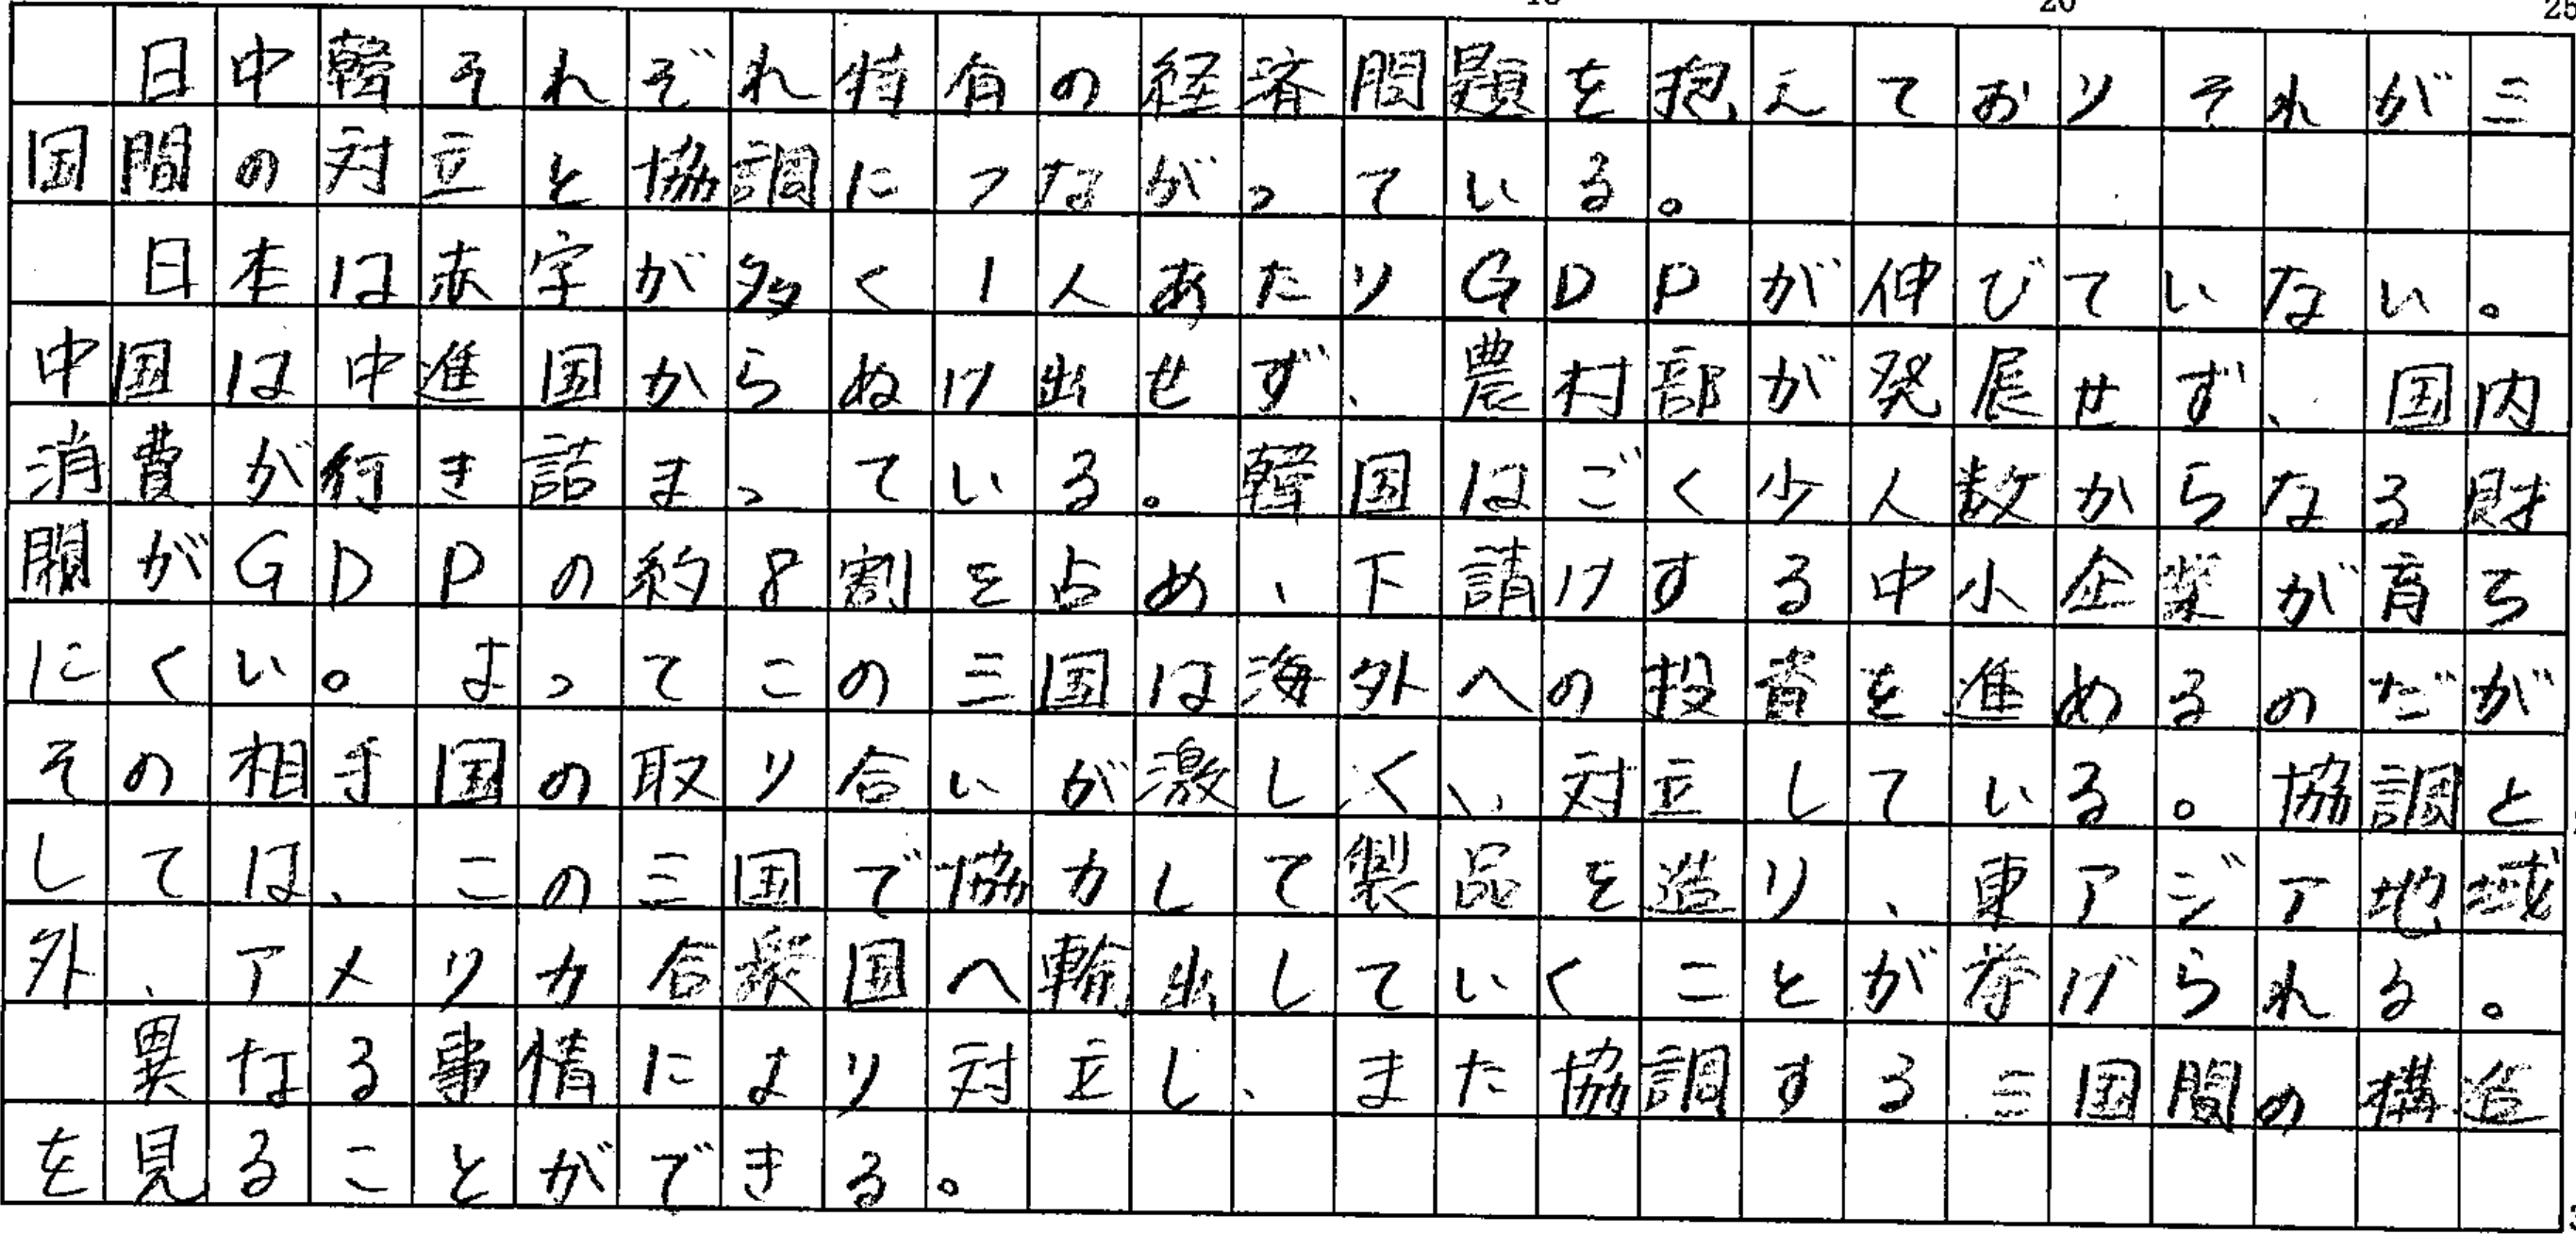　日中韓それぞれ特有の経済問題を抱えておりそれが三国間の対立と協調につながっている。
　日本は赤字が多く１人あたりＧＤＰが伸びていない。中国は中進国からぬけ出せず、農村部が発展せず、国内消費が行き詰まっている。韓国はごく少人数からなる財閥がＧＤＰの約８割を占め、下請けする中小企業が育ちにくい。よってこの三国は海外への投資を進めるのだがその相手国の取り合いが激しく、対立している。協調としては、この三国で協力して製品を造り、東アジア地域外、アメリカ合衆国へ輸出していくことが挙げられる。
　異なる事情により対立し、また協調する三国間の構造を見ることができる。
